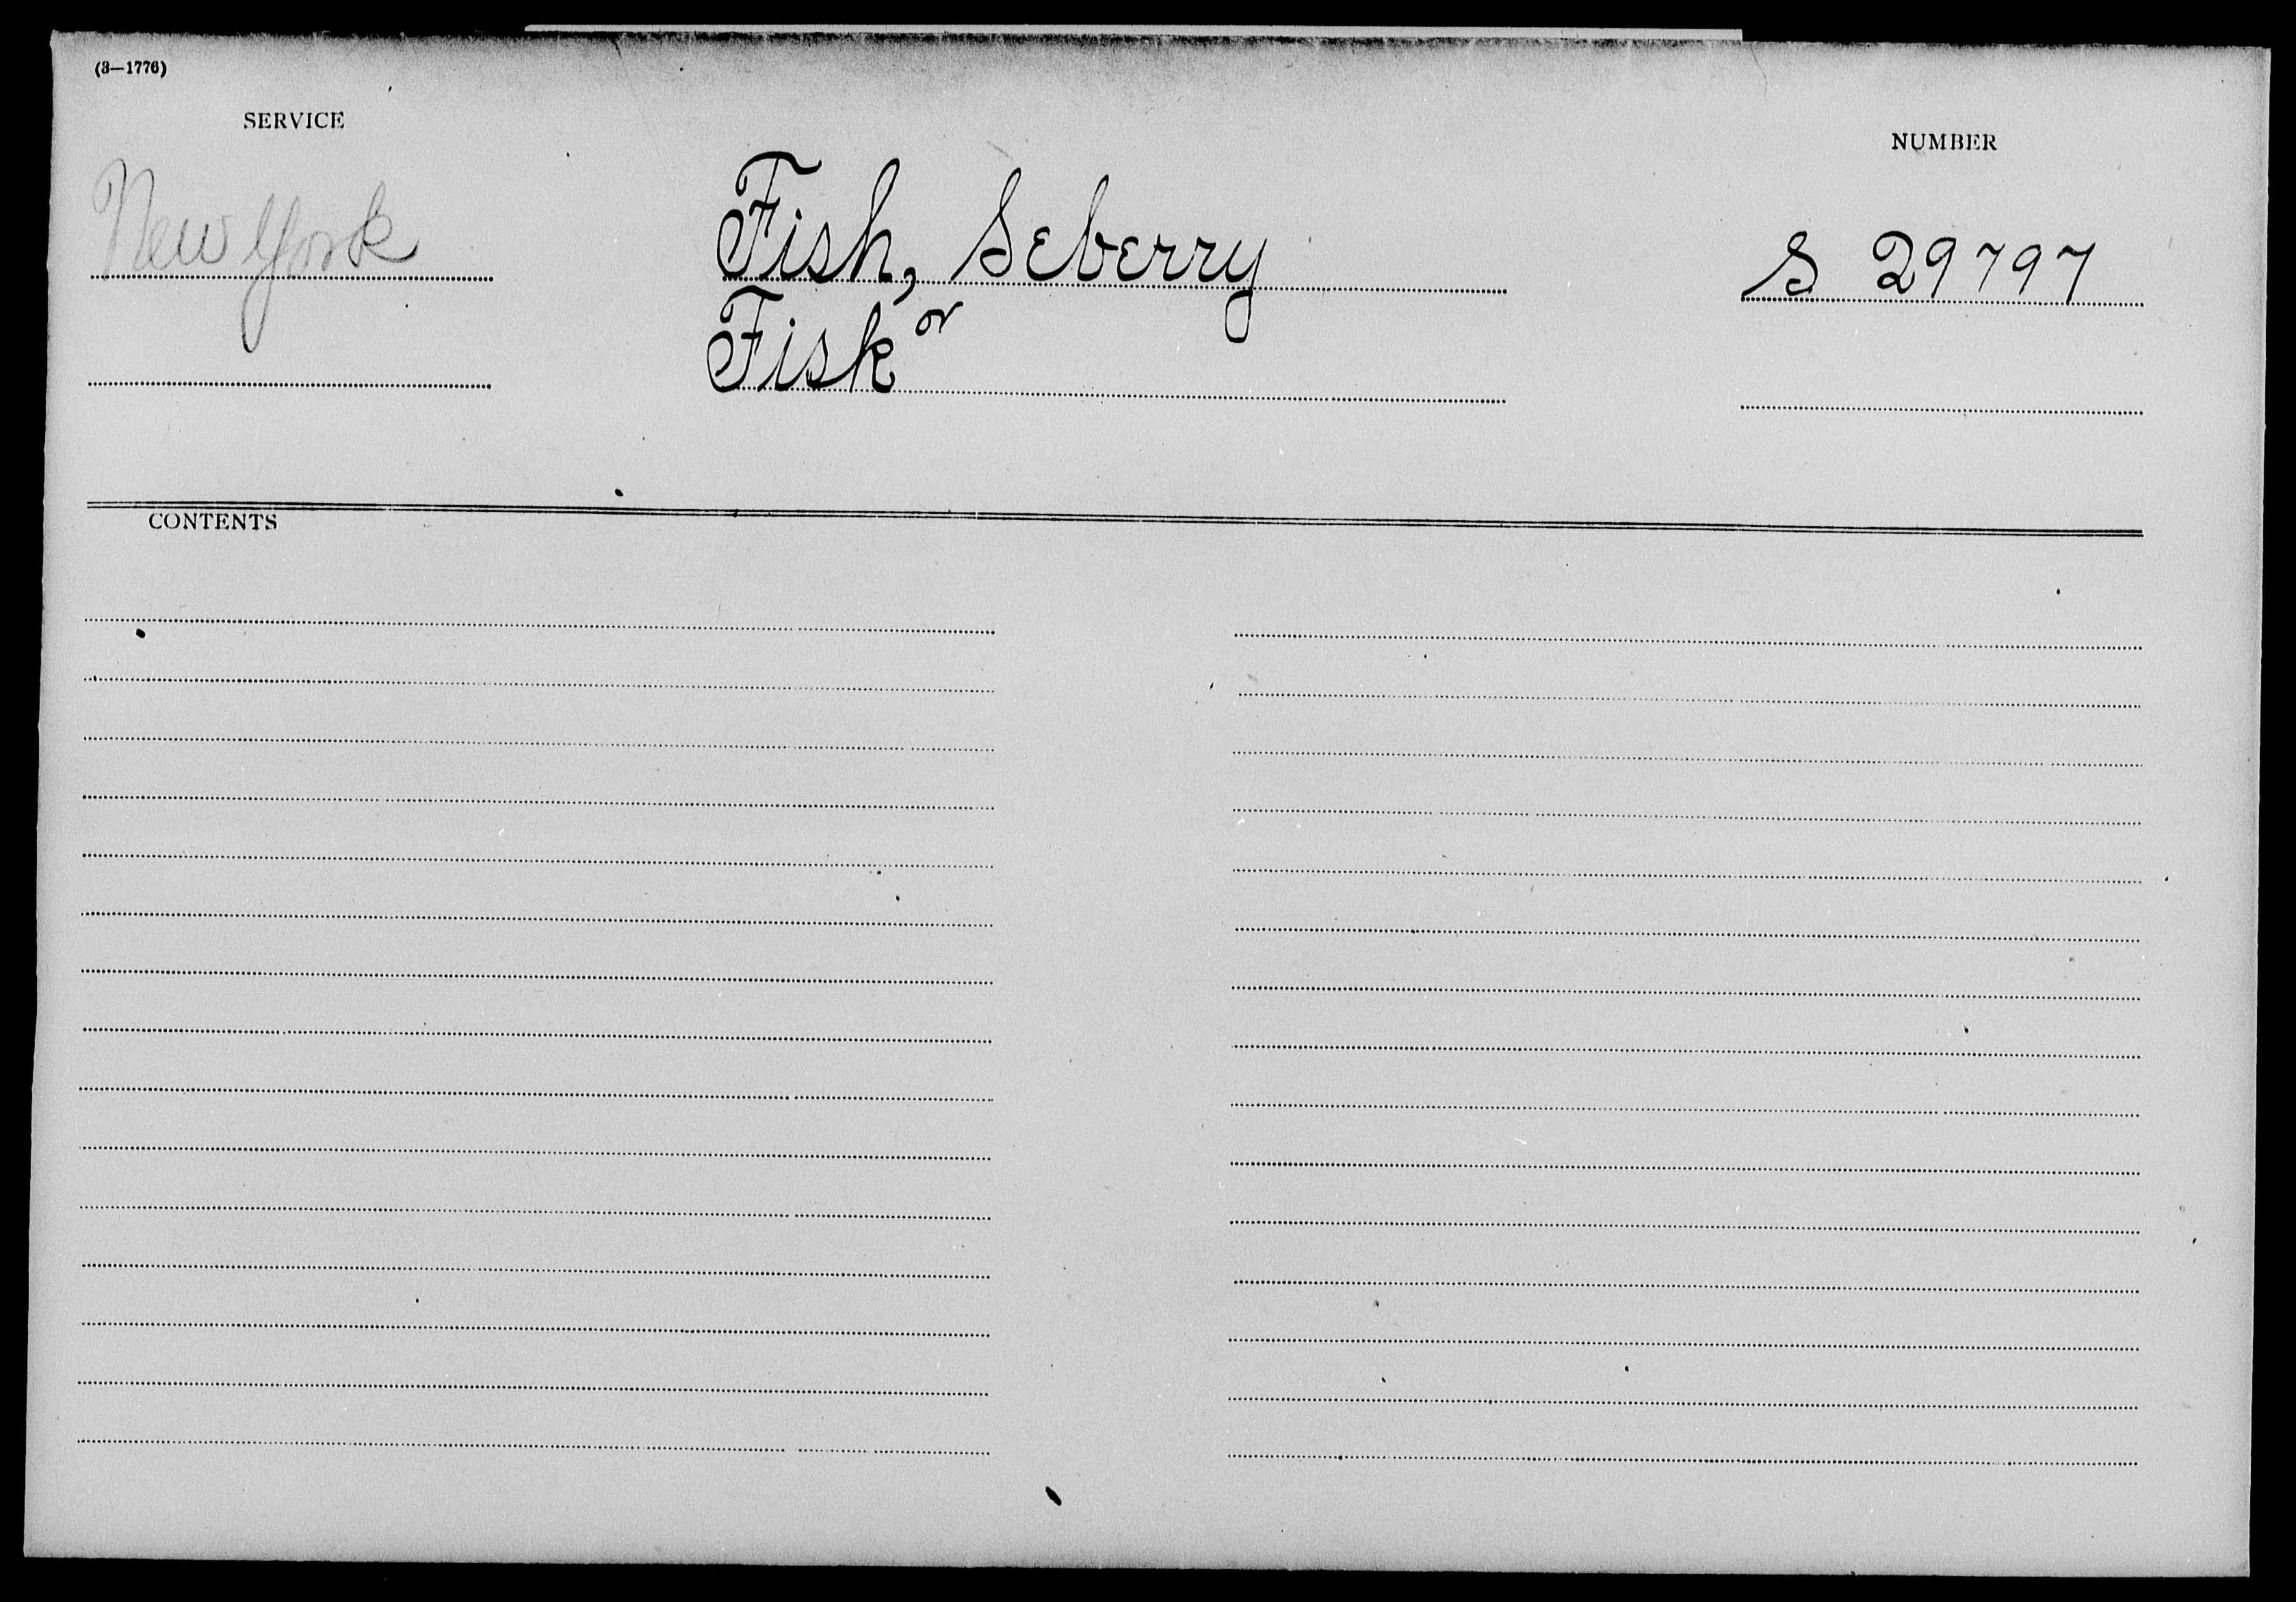[Record is a printed form with handwritten entries.]

(3-1776)

SERVICE
[Handwritten] New York
_________________________

[Handwritten] 
Fish, Seberry
Fisk ^or 

NUMBER
S. 29797
_________________________

[Double line]
CONTENTS

[Two columns of 15 blank lines]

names: Seberry Fisk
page: 1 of 26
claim: survivor's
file: S. 29797, Seberry Fish, New York